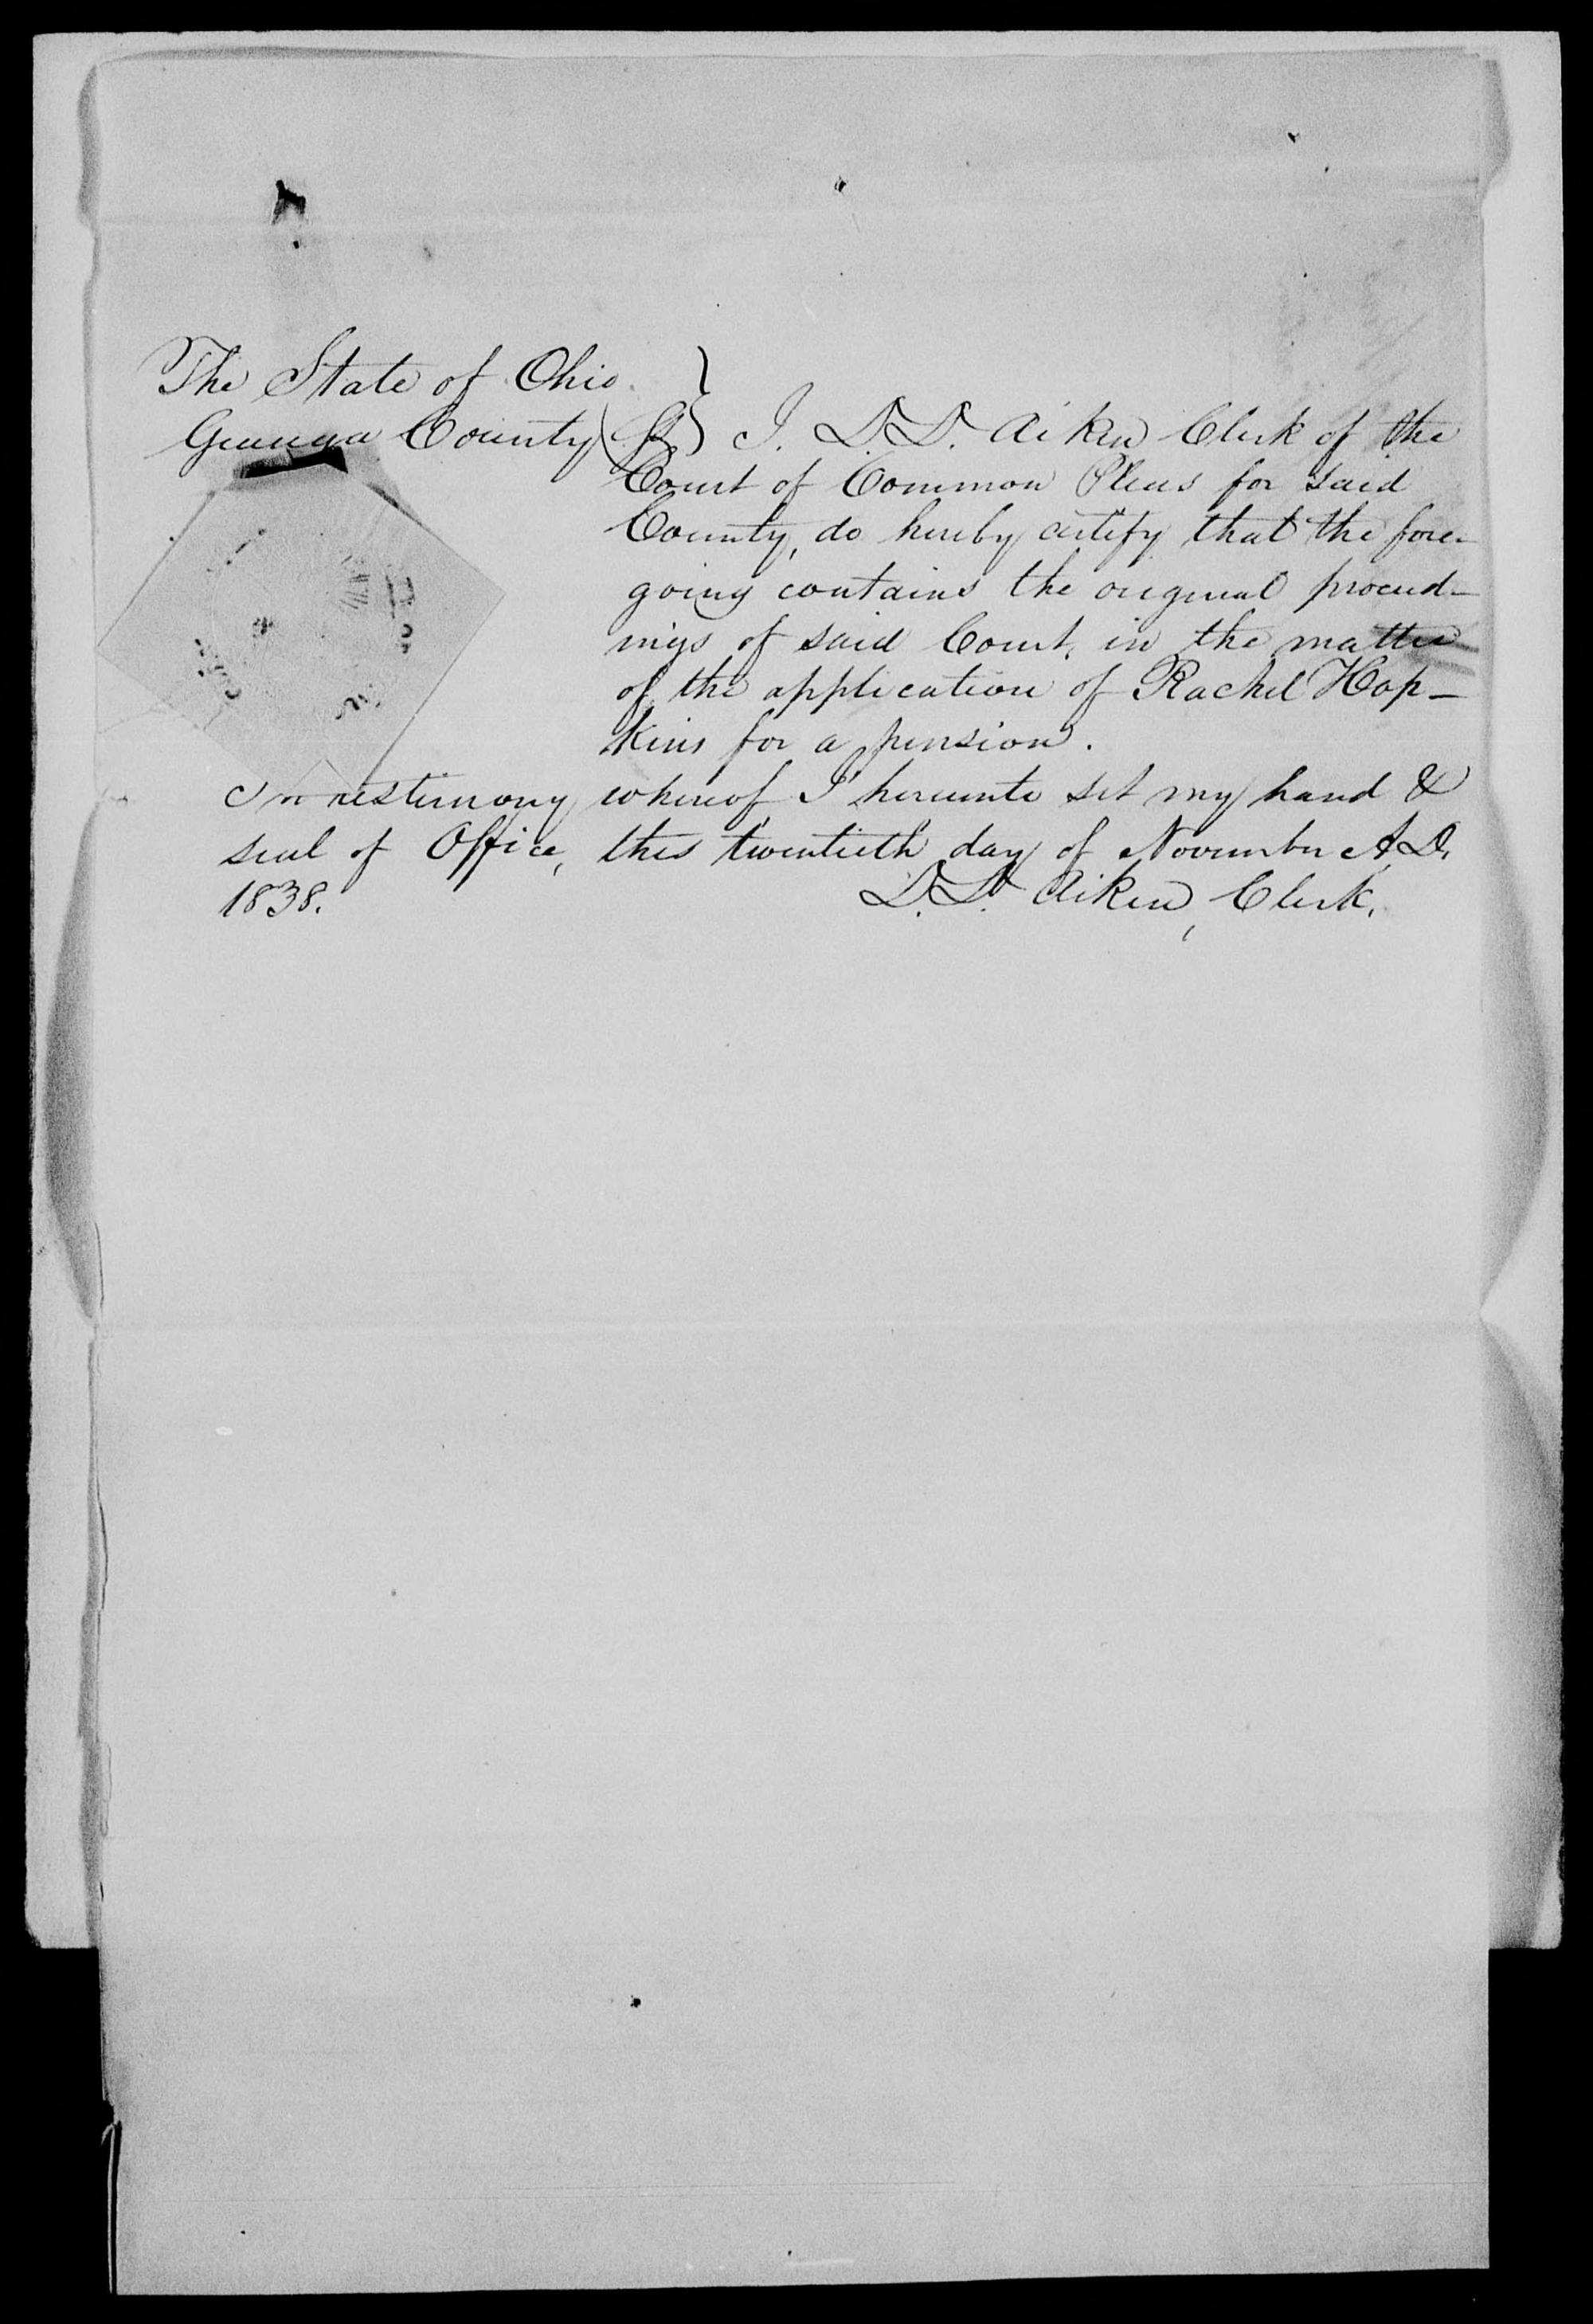The State of Ohio}
Geauga County}
Seal affixed

J. D. Aiken Clerk of the Court of Common Pleas for said County, do hereby certify that the foregoing contains the original proceedings of said Court, in the matter of the application of Rachel Hopkins for a pension.
In testimony whereof I hereunto set my hand & seal of Office, this twentieth day of November A.D. 1838.

D.D. Aiken, Clerk.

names: Rachel Hopkins, D D Aiken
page: 77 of 144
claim: rejected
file: R. 5208, Dennis Hopkins, N.C.